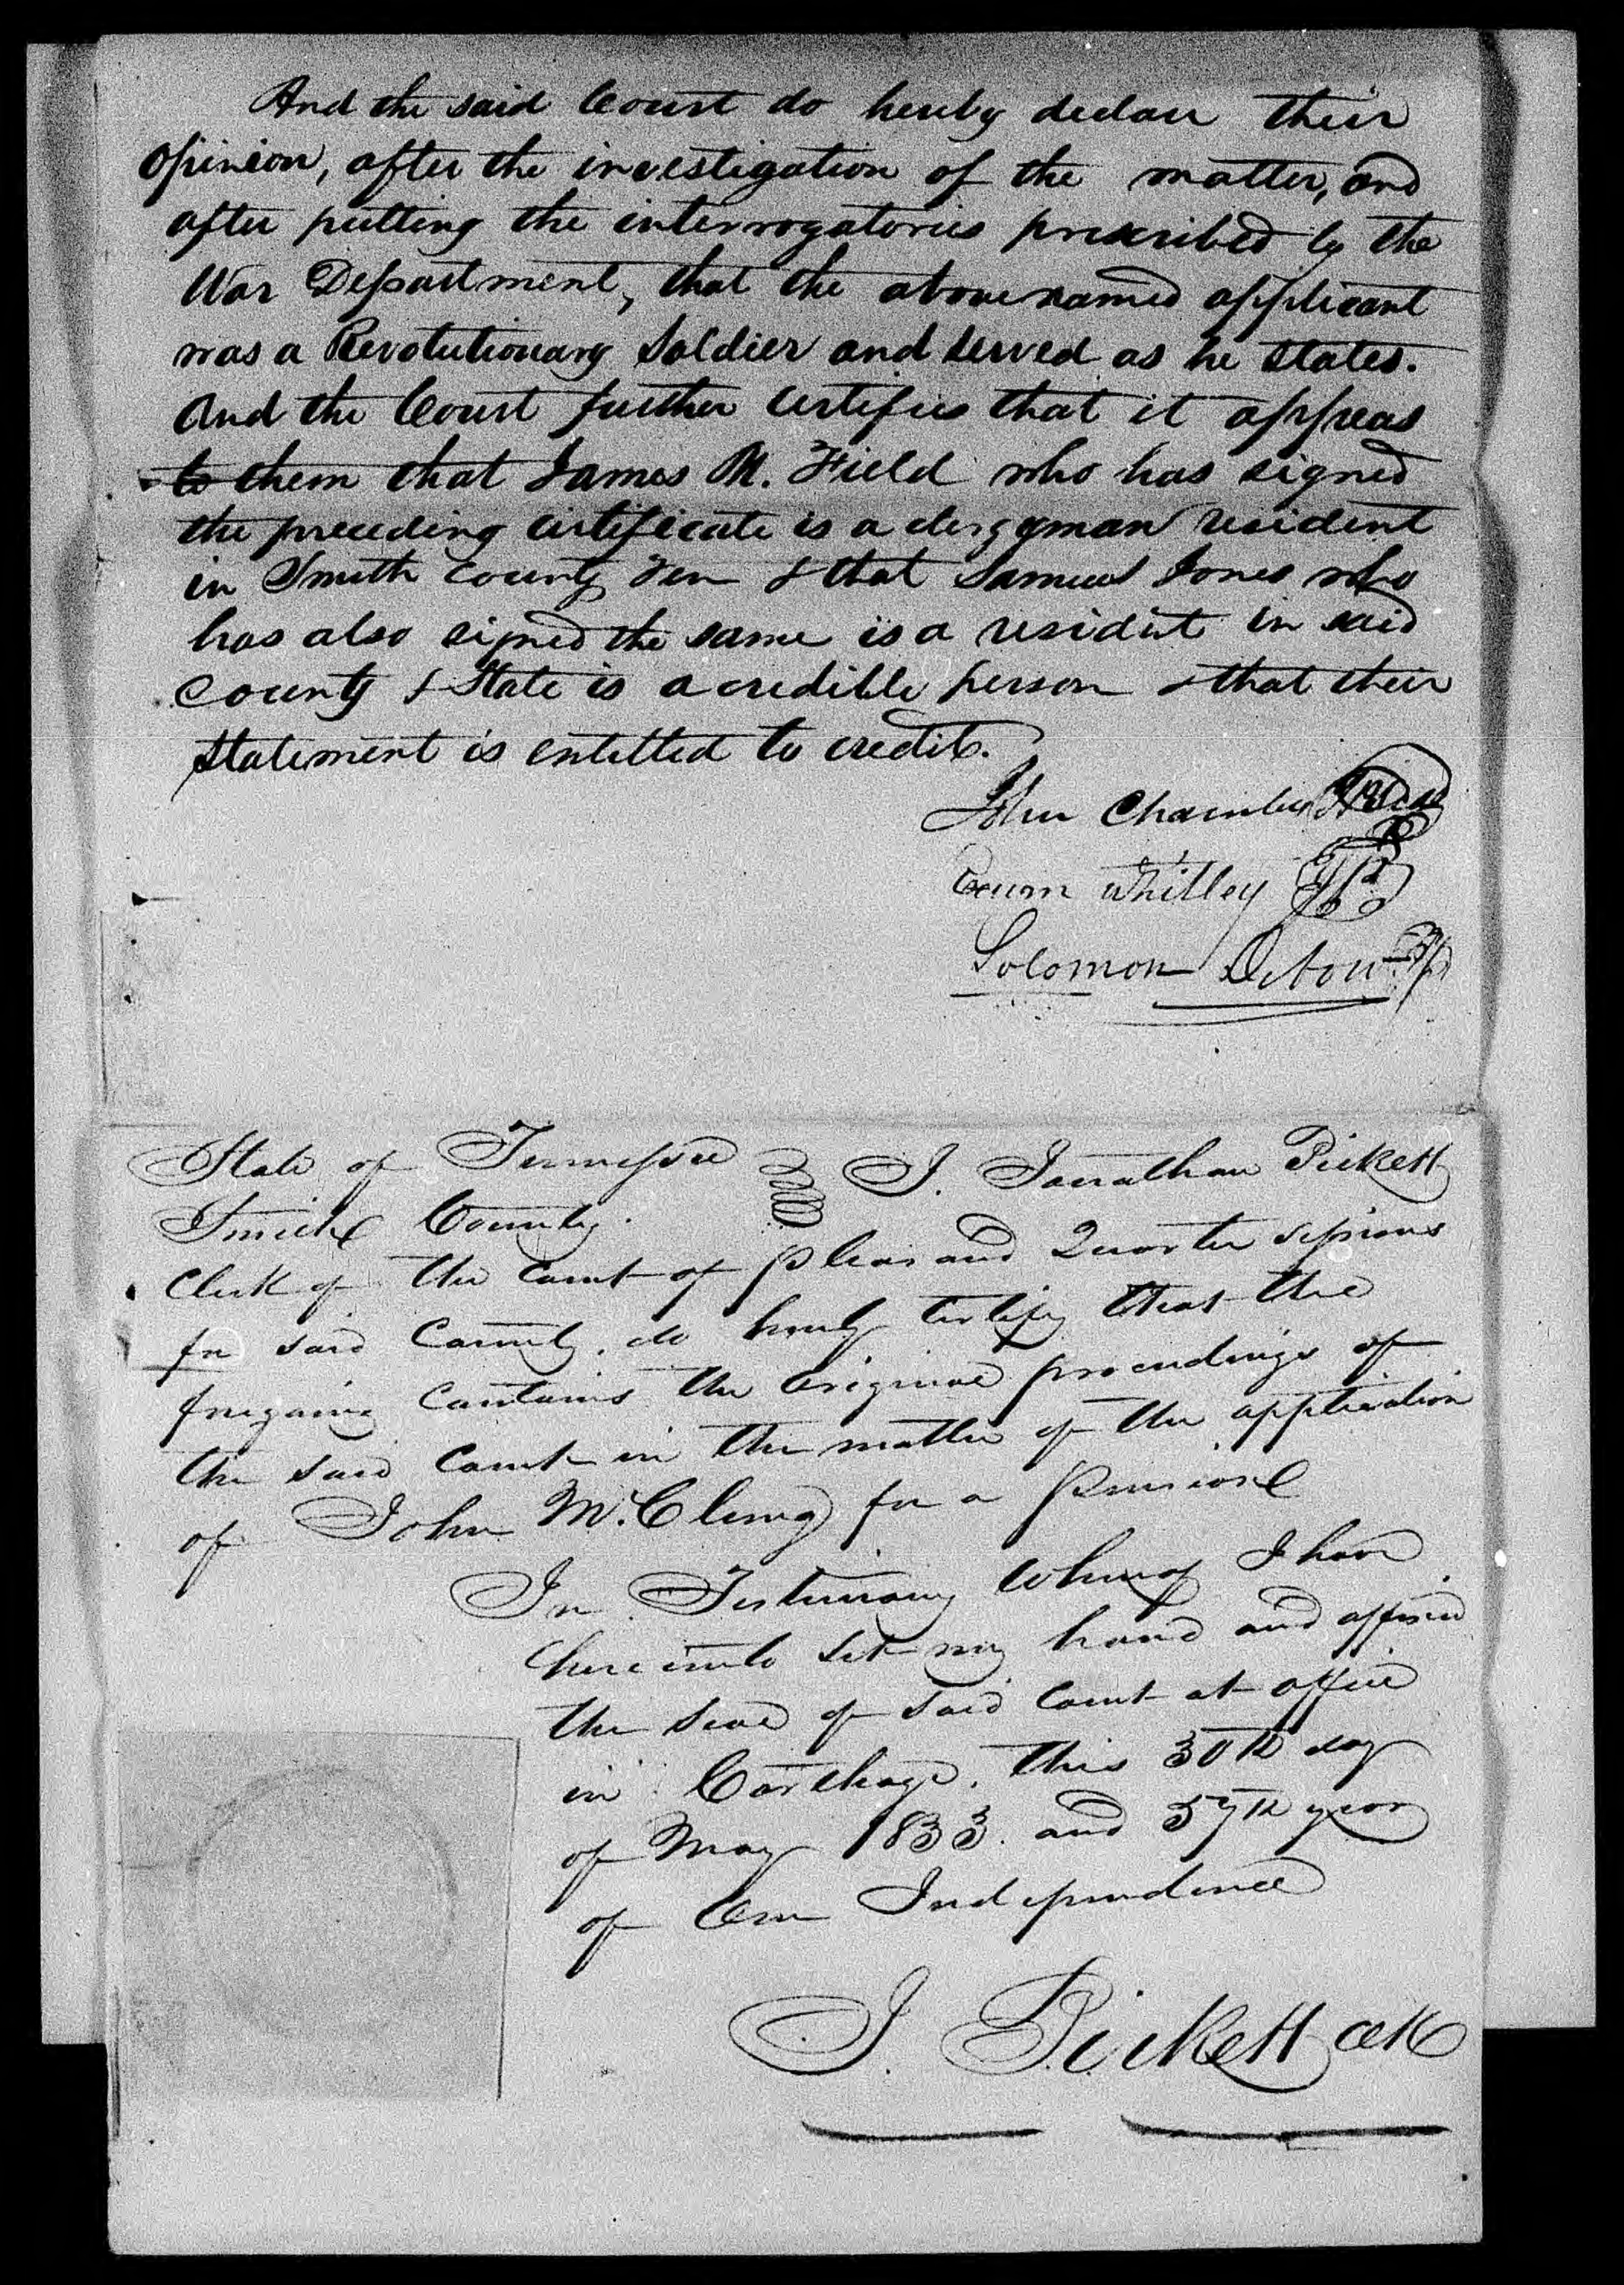And the said Court do hereby declare their opinion, after the investigation of the matter, and
after putting the interrogatories prescribed by the War Department, that the above named applicant was a Revolutionary Soldier and served as he states. and the Court further certifies that it appears to them that James M. Field who has signed the preceding certificate is a clergyman resident in Smith County Tenn & that Samuel Jones who has also signed the same is a resident in said County & State is a credible person & that their statement is entitled to credit.
[signed] John Chamber
Exum Whitley
Solomon Debow

State of Tennessee
Smith County
I Jonathan Pickett Clerk of the Court of pleas and Quarter Sessions for said County do herby certify that the foregoing contains the original proceedings of said Court in the matter of the application
John M Clung for a Pension

In Testimony whereof I have hereunto set my hand and affixed the seal of said Court at office
in Carthage this 30th day of May 1833 and 57th year of our Independence
J. Pickett Clk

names: Samuel Jones; Solomon Debow; James M Field; John Mc Clurg; Jonathan Pickett; Exum Whitley; John Chambes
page: 19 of 115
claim: widow's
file: W. 1446, for John Mc Clung, South Carolina